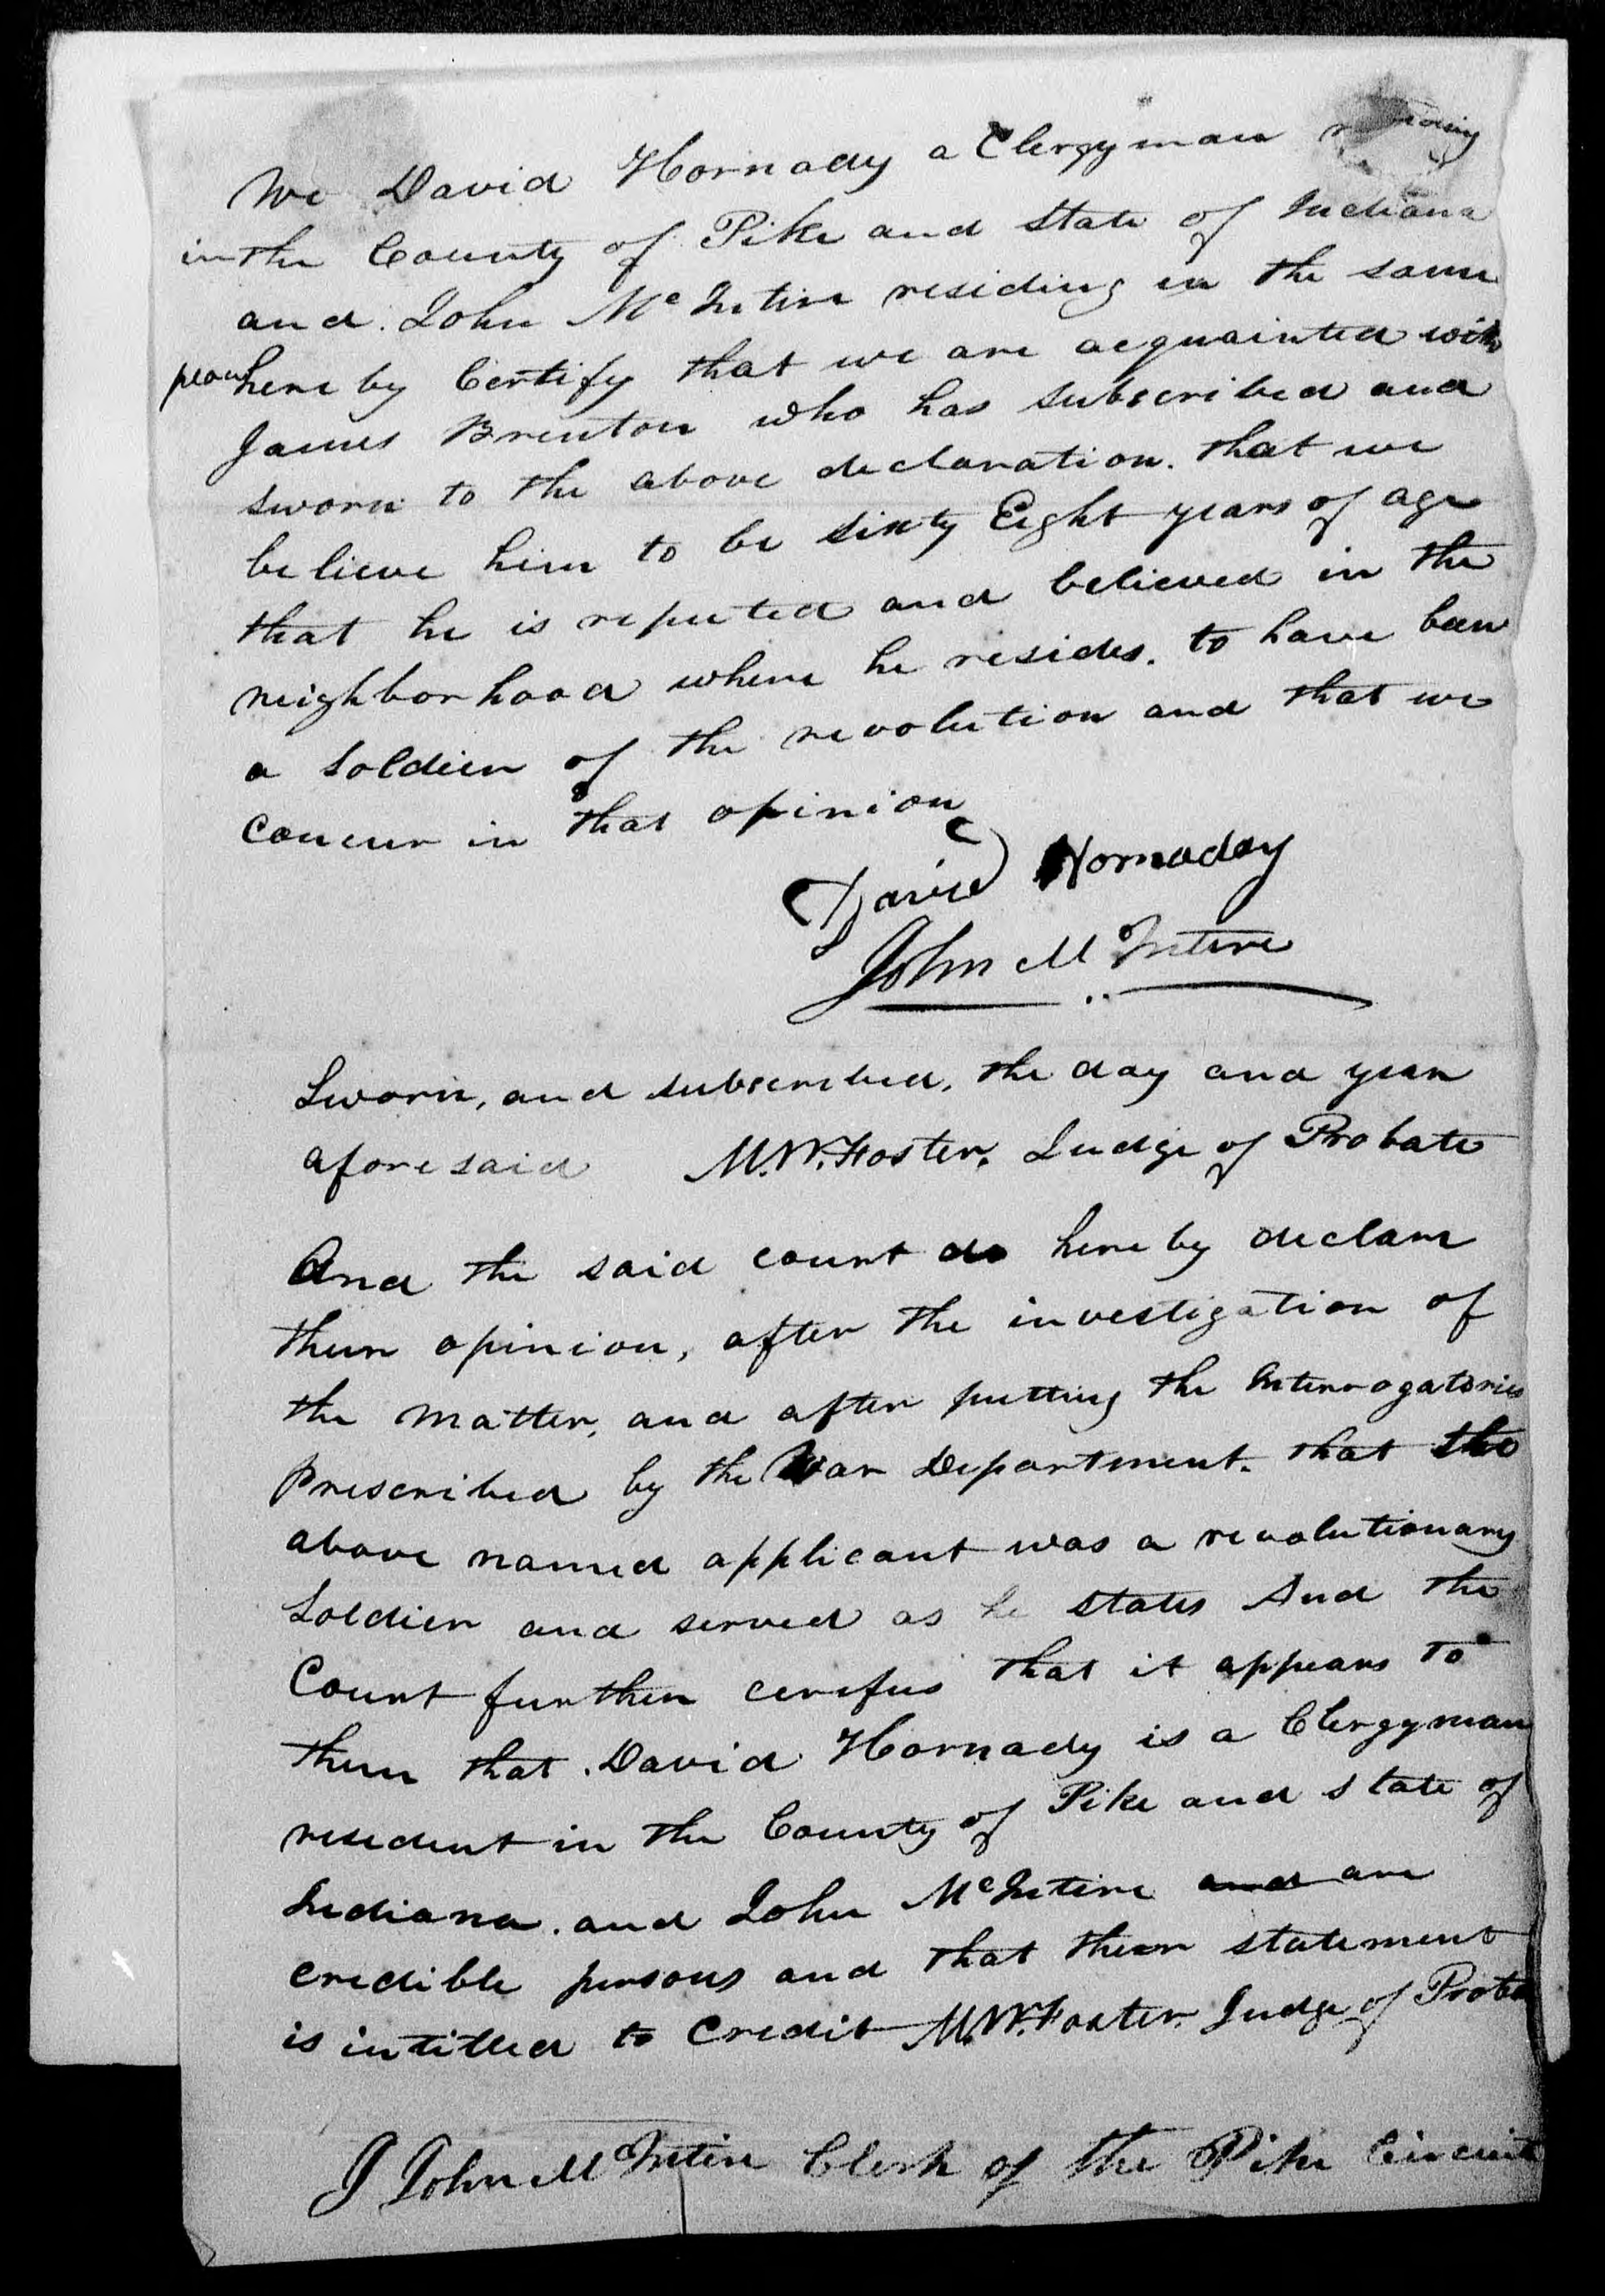We David Hornady a Clergyman living in the County of Pike and State of Indiana and John McIntire residing in the same place hereby certify that we are acquainted with James Brenton who has subscribed and sworn to the above declaration. That we believe him to be sixty eight years of age that he is reputed and believed in the neighborhood where he resides to have been a soldier of the revolution and that we concur in that opinion David Hornaday John McIntire

Sworn and subscribed the day and year aforesaid M W Foster Judge of Probate
And the said court do hereby declare their opinion, after the investigation of the matter, and after putting the interrogatories prescribed by the War Department, that the above named applicant was a revolutionary soldier and served as he states and the Court further certifies that it appears to them that David Hornady is a Clergyman resident in the County of Pike and State of Indiana, and John McIntire and are credible persons and that their statement is entitled to credit -- M. W. Foster, Judge of Probate
I John McIntire Clerk of the Pike Circuit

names: David Hornady, John Mc Intire, John Mc Intire, John Mc Intire, M W Foster, M W Foster, David Hornady, David Hornaday, James Brenton, John Mc Intire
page: 22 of 49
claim: widow's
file: W. 2518, James Brenton, Va.